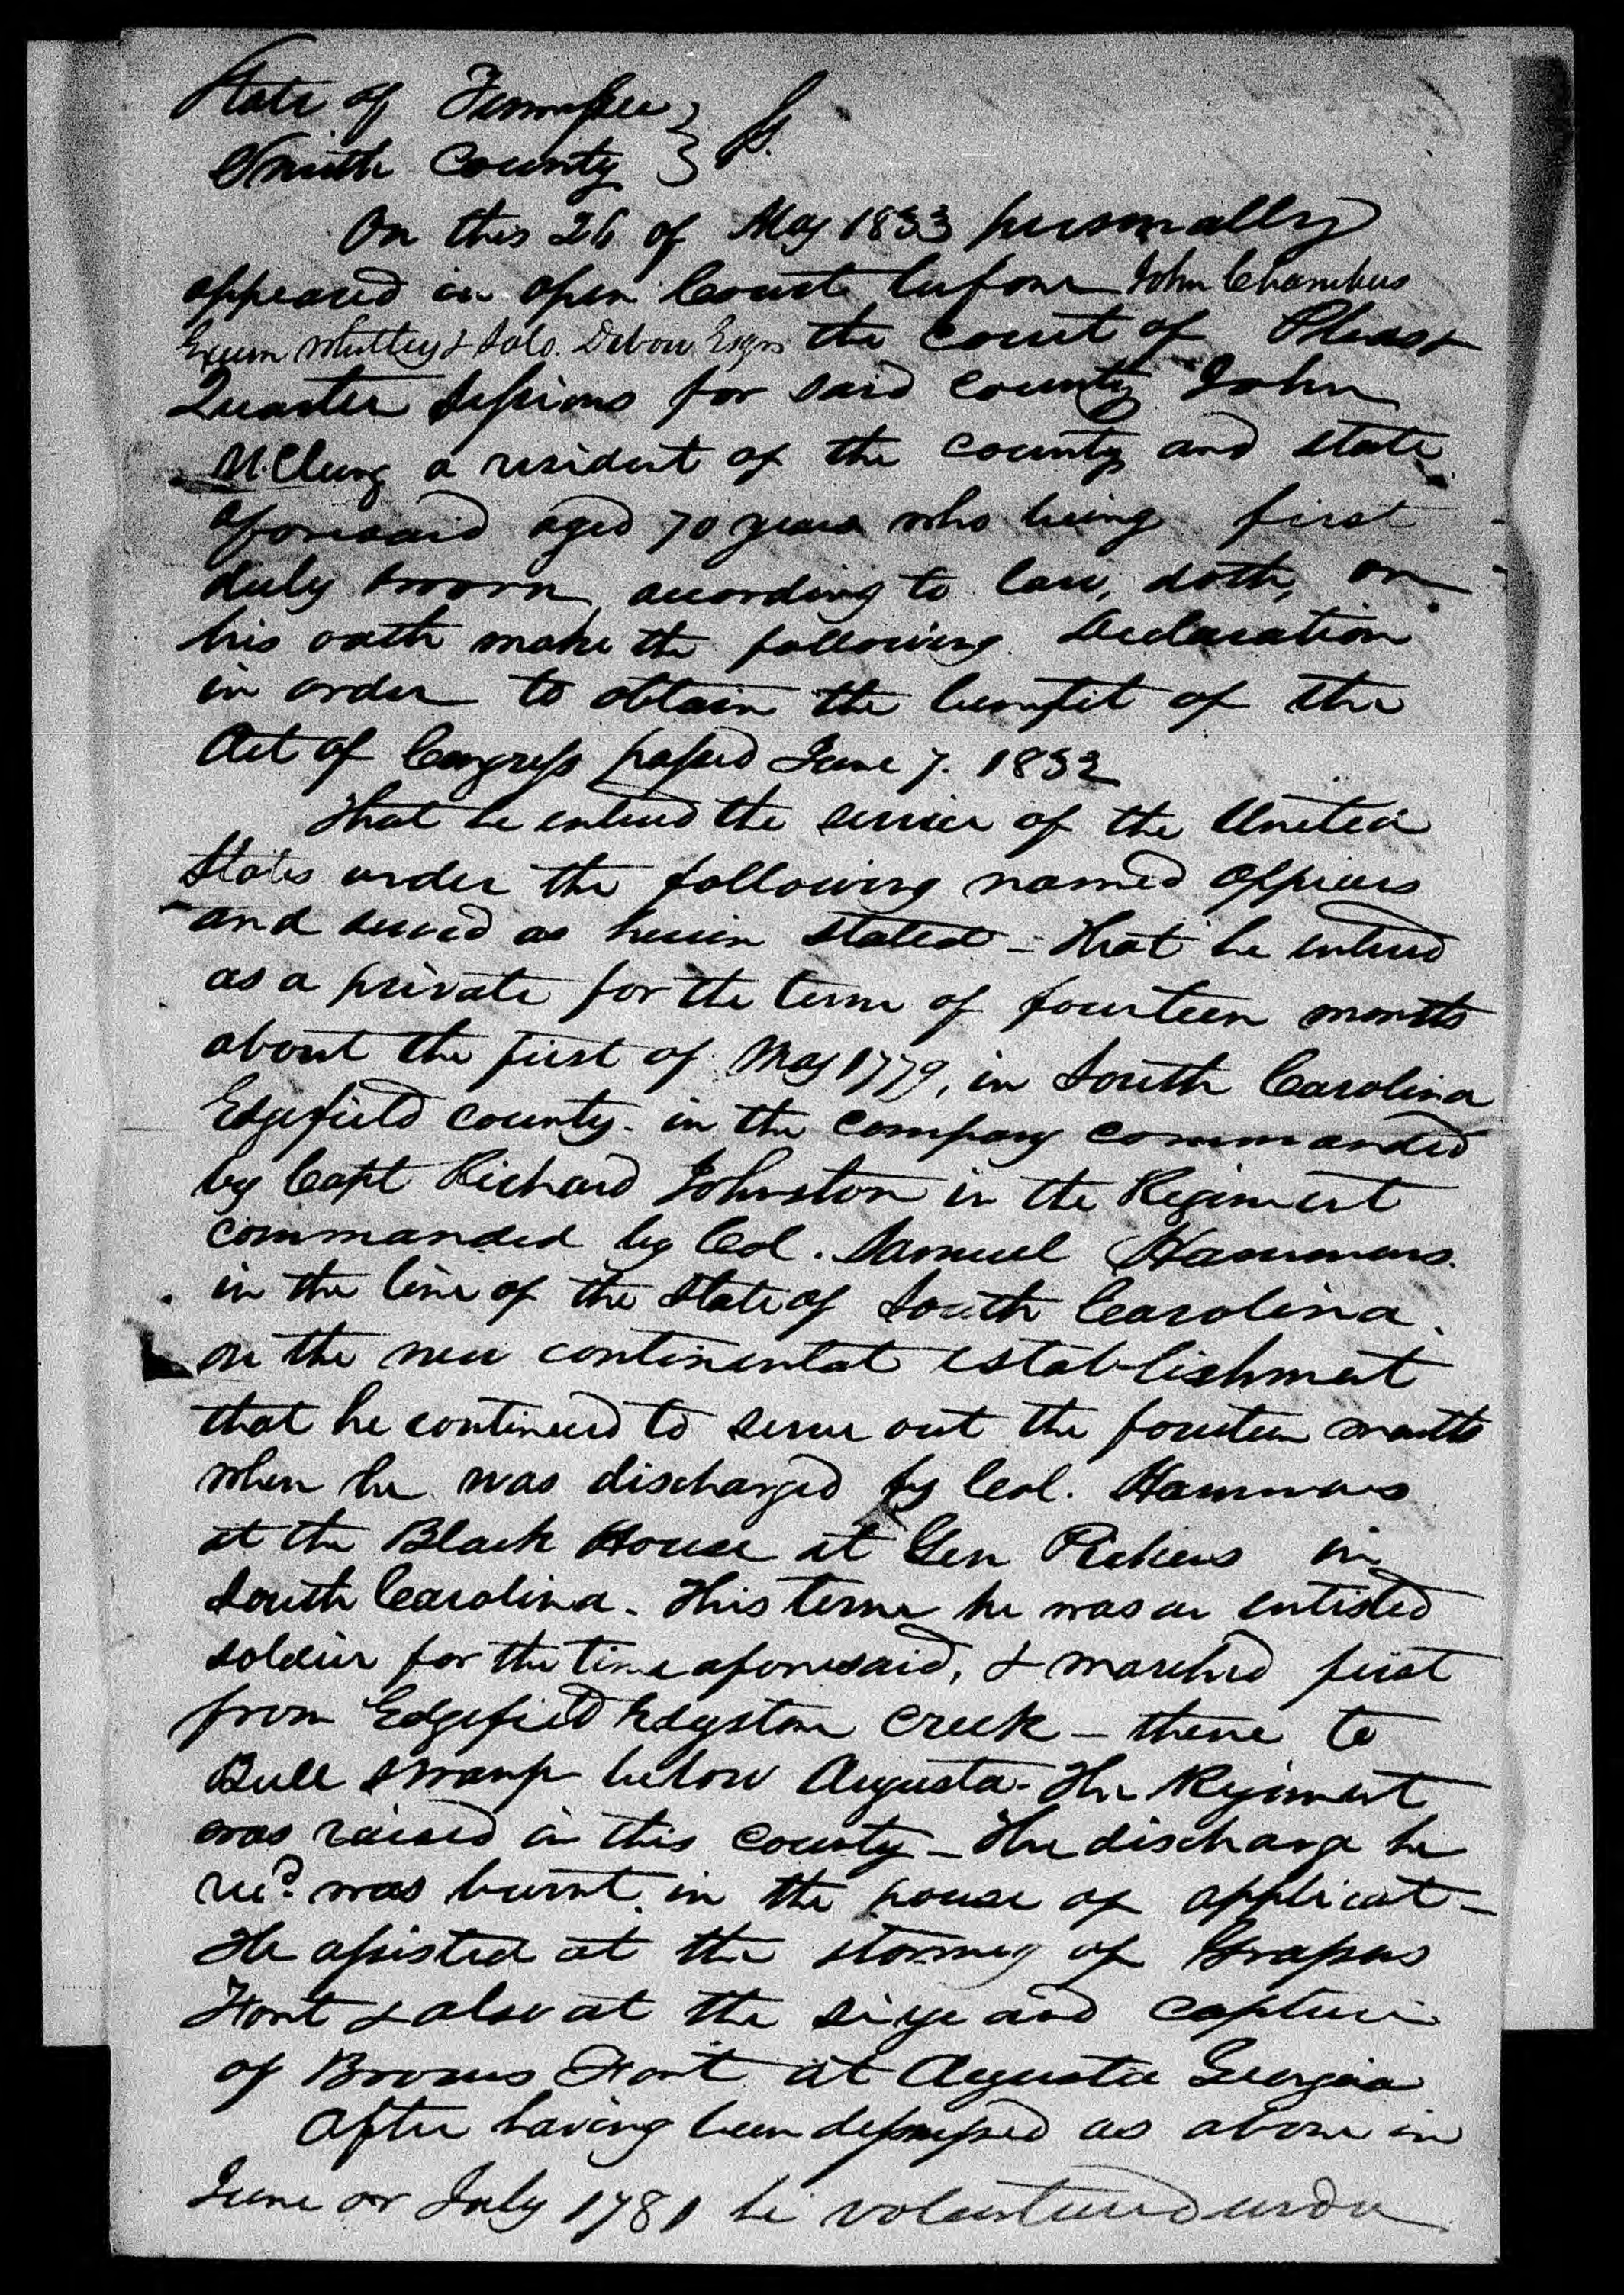State of Tennessee}
Smith County } Ss.

On this 26 of May 1833 personally 
appeared in open Court before John Chambers 
Exum Whitley & Solo. Debow Esqrs. the Court of Pleas & 
Quarter Sessions for said County John 
McClung a resident of the County and State 
aforesaid aged 70 years who being first 
duly sworn according to law, doth, on 
his oath make the following Declaration 
in order to obtain the benefit of the 
act of Congress passed June 7, 1832

That he entered the service of the United 
States under the following named officers 
and served as herein stated-that he entered 
as a private for the term of fourteen months 
about the first of May 1779 in South Carolina 
Edgefield County in the company commanded 
by Capt Richard Johnston in the regiment 
commanded by Col. Samuel Hammons 
in the line of the State of South Carolina 
on the new continental establishment 
that he continued to serve out the fourteen months 
when he was discharged by Col. Hammons 
at the Black House at Gen Pickens in 
South Carolina.  This term he was an enlisted 
soldier for the time aforesaid & marched first 
from Edgefield Edgston Creek-thence to 
Bull Swamp below Augusta. The regiment 
was raised in this county. The discharge he 
recd. was burnt in the house of applicant 
He assisted at the storming of Grapas 
Fort & also at the siege and capture 
of Browns Fort at Augusta Georgia.

After having been deployed as above in 
June or July 1781 he volunteered under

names: Solo Debow; Samuel Hammons; Exum Whitley; [BLANK] Pickens; Richard Johnston; John Chambers; John M Clung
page: 15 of 115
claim: widow's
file: W. 1446, for John Mc Clung, South Carolina